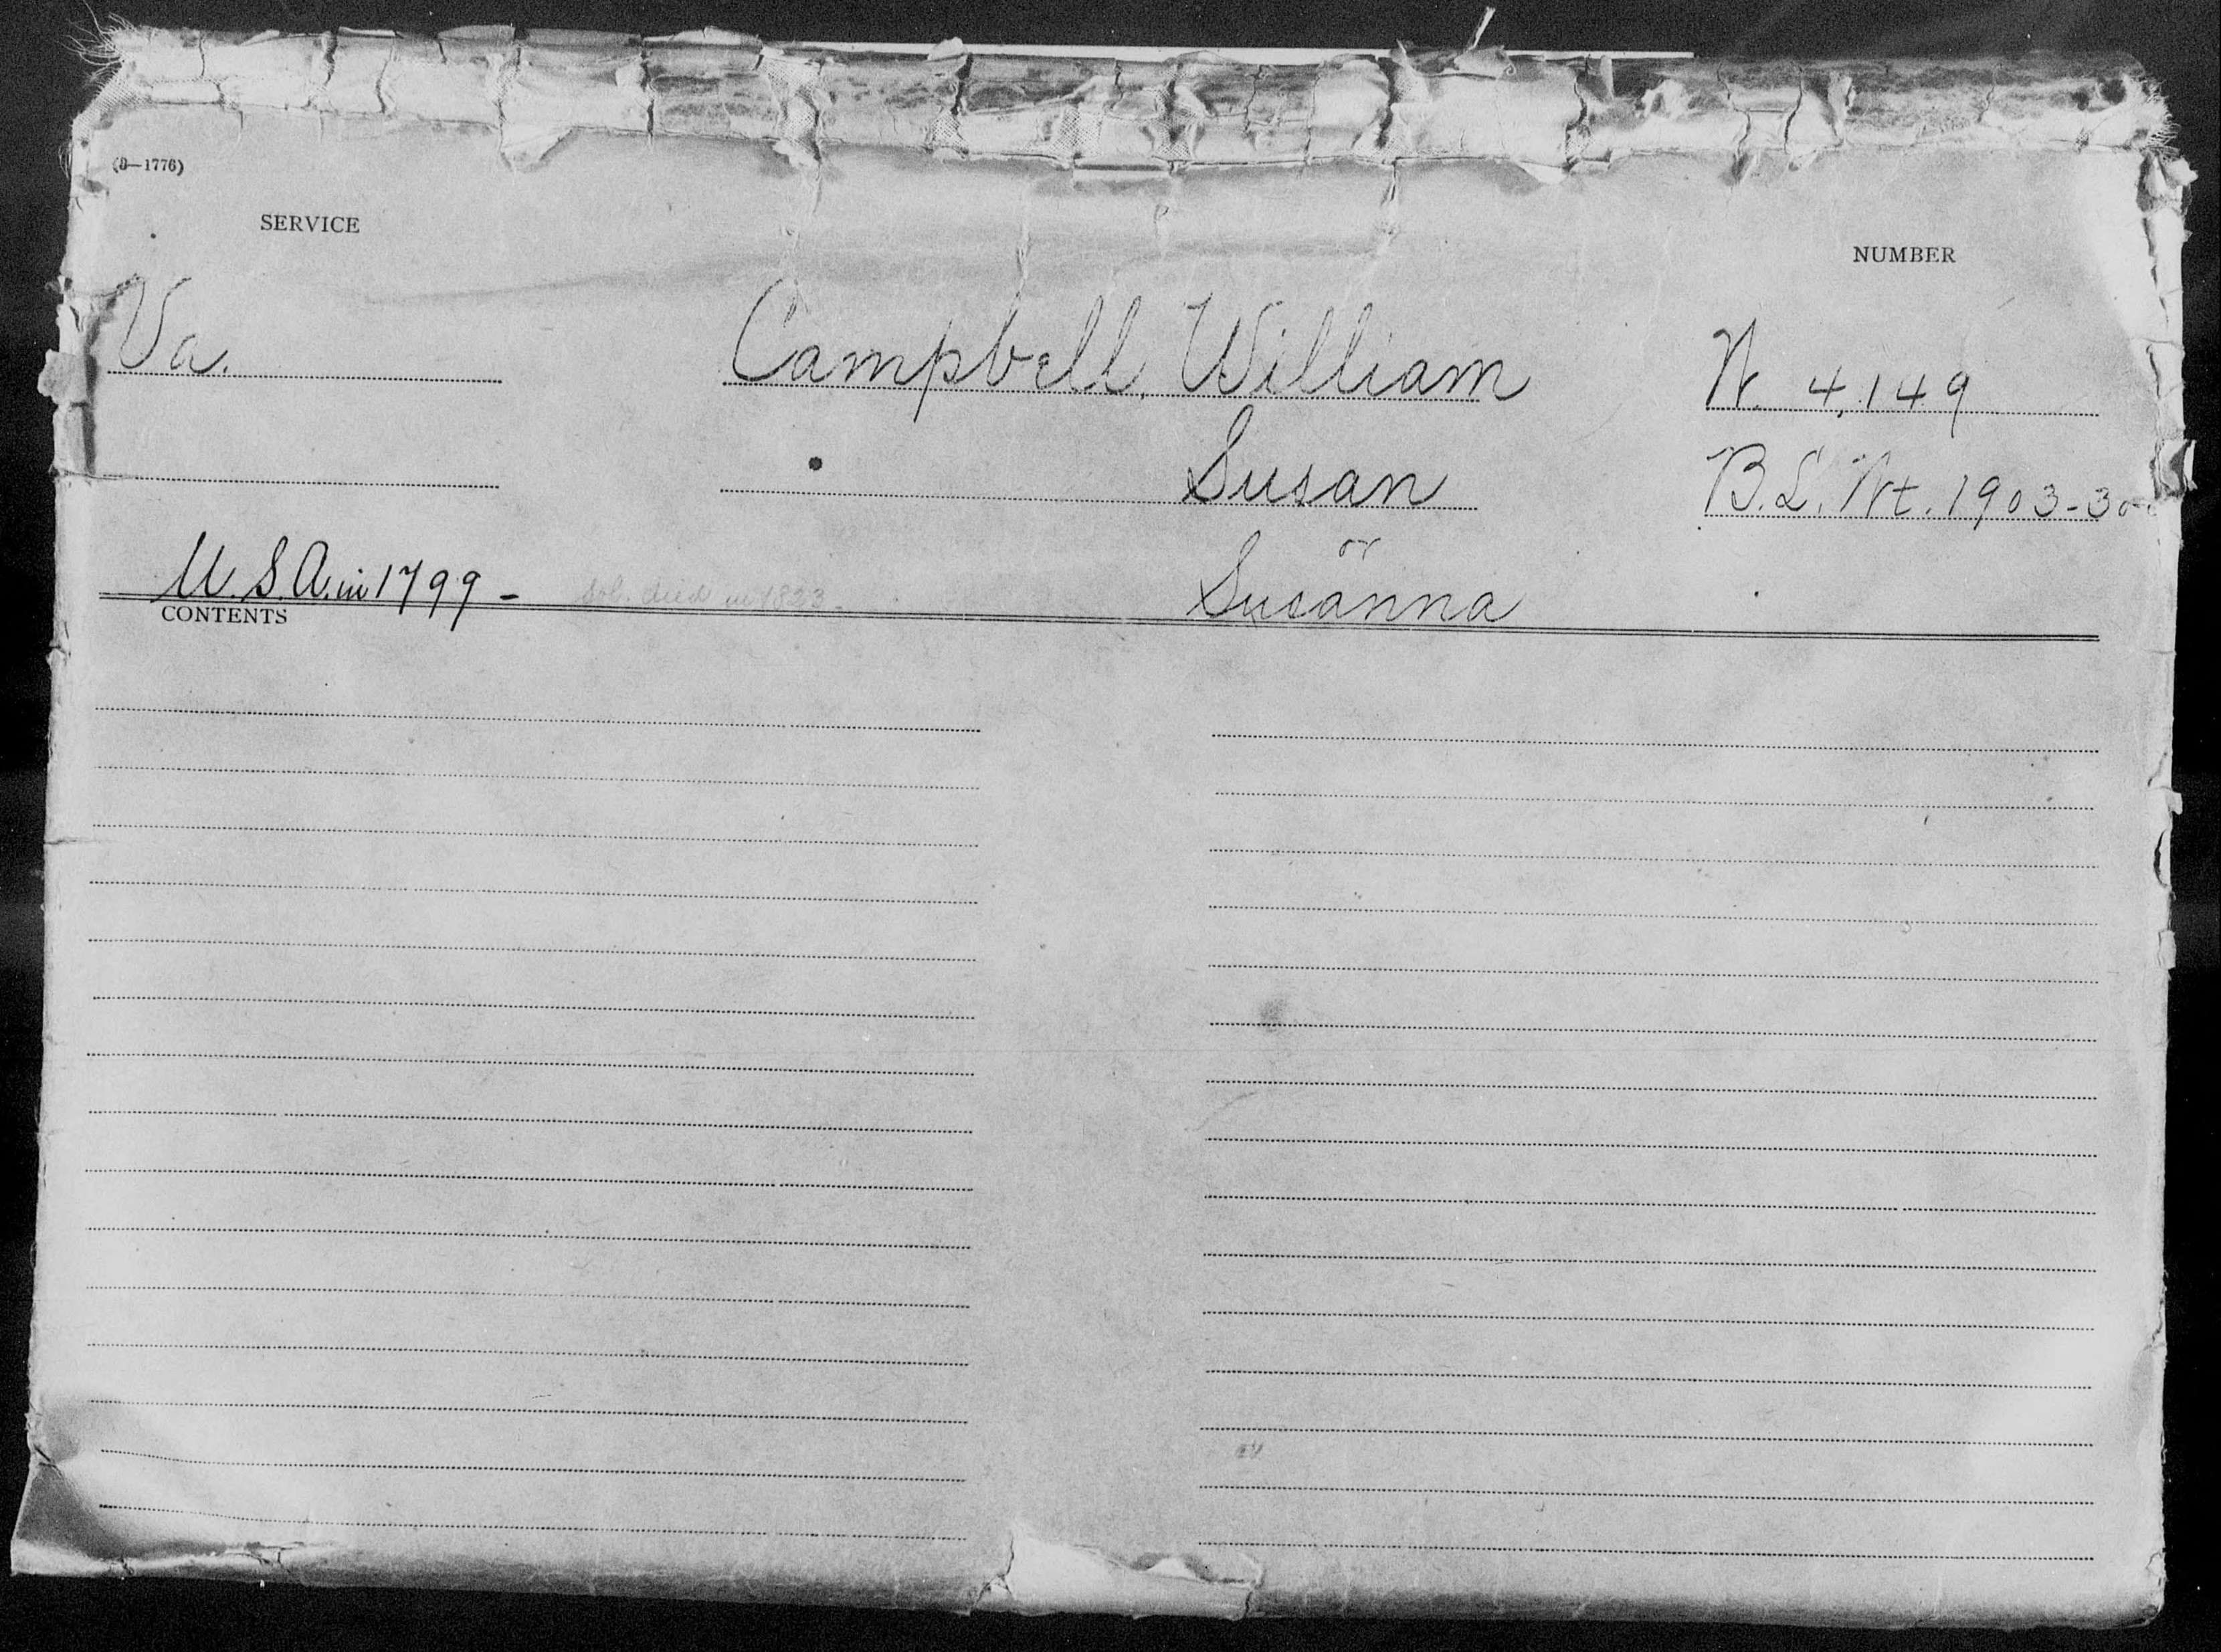(8-1776)

SERVICE 
Va.
U.S.A. in 1799 -   Sol. died in 1823

Campbell, William
Susan
or Susanna

NUMBER
W. 4,149
B.L. Wt. 1903-30

CONTENTS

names: Susanna Campbell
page: 1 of 267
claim: widow's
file: W. 4,149, William Campbell, Va.